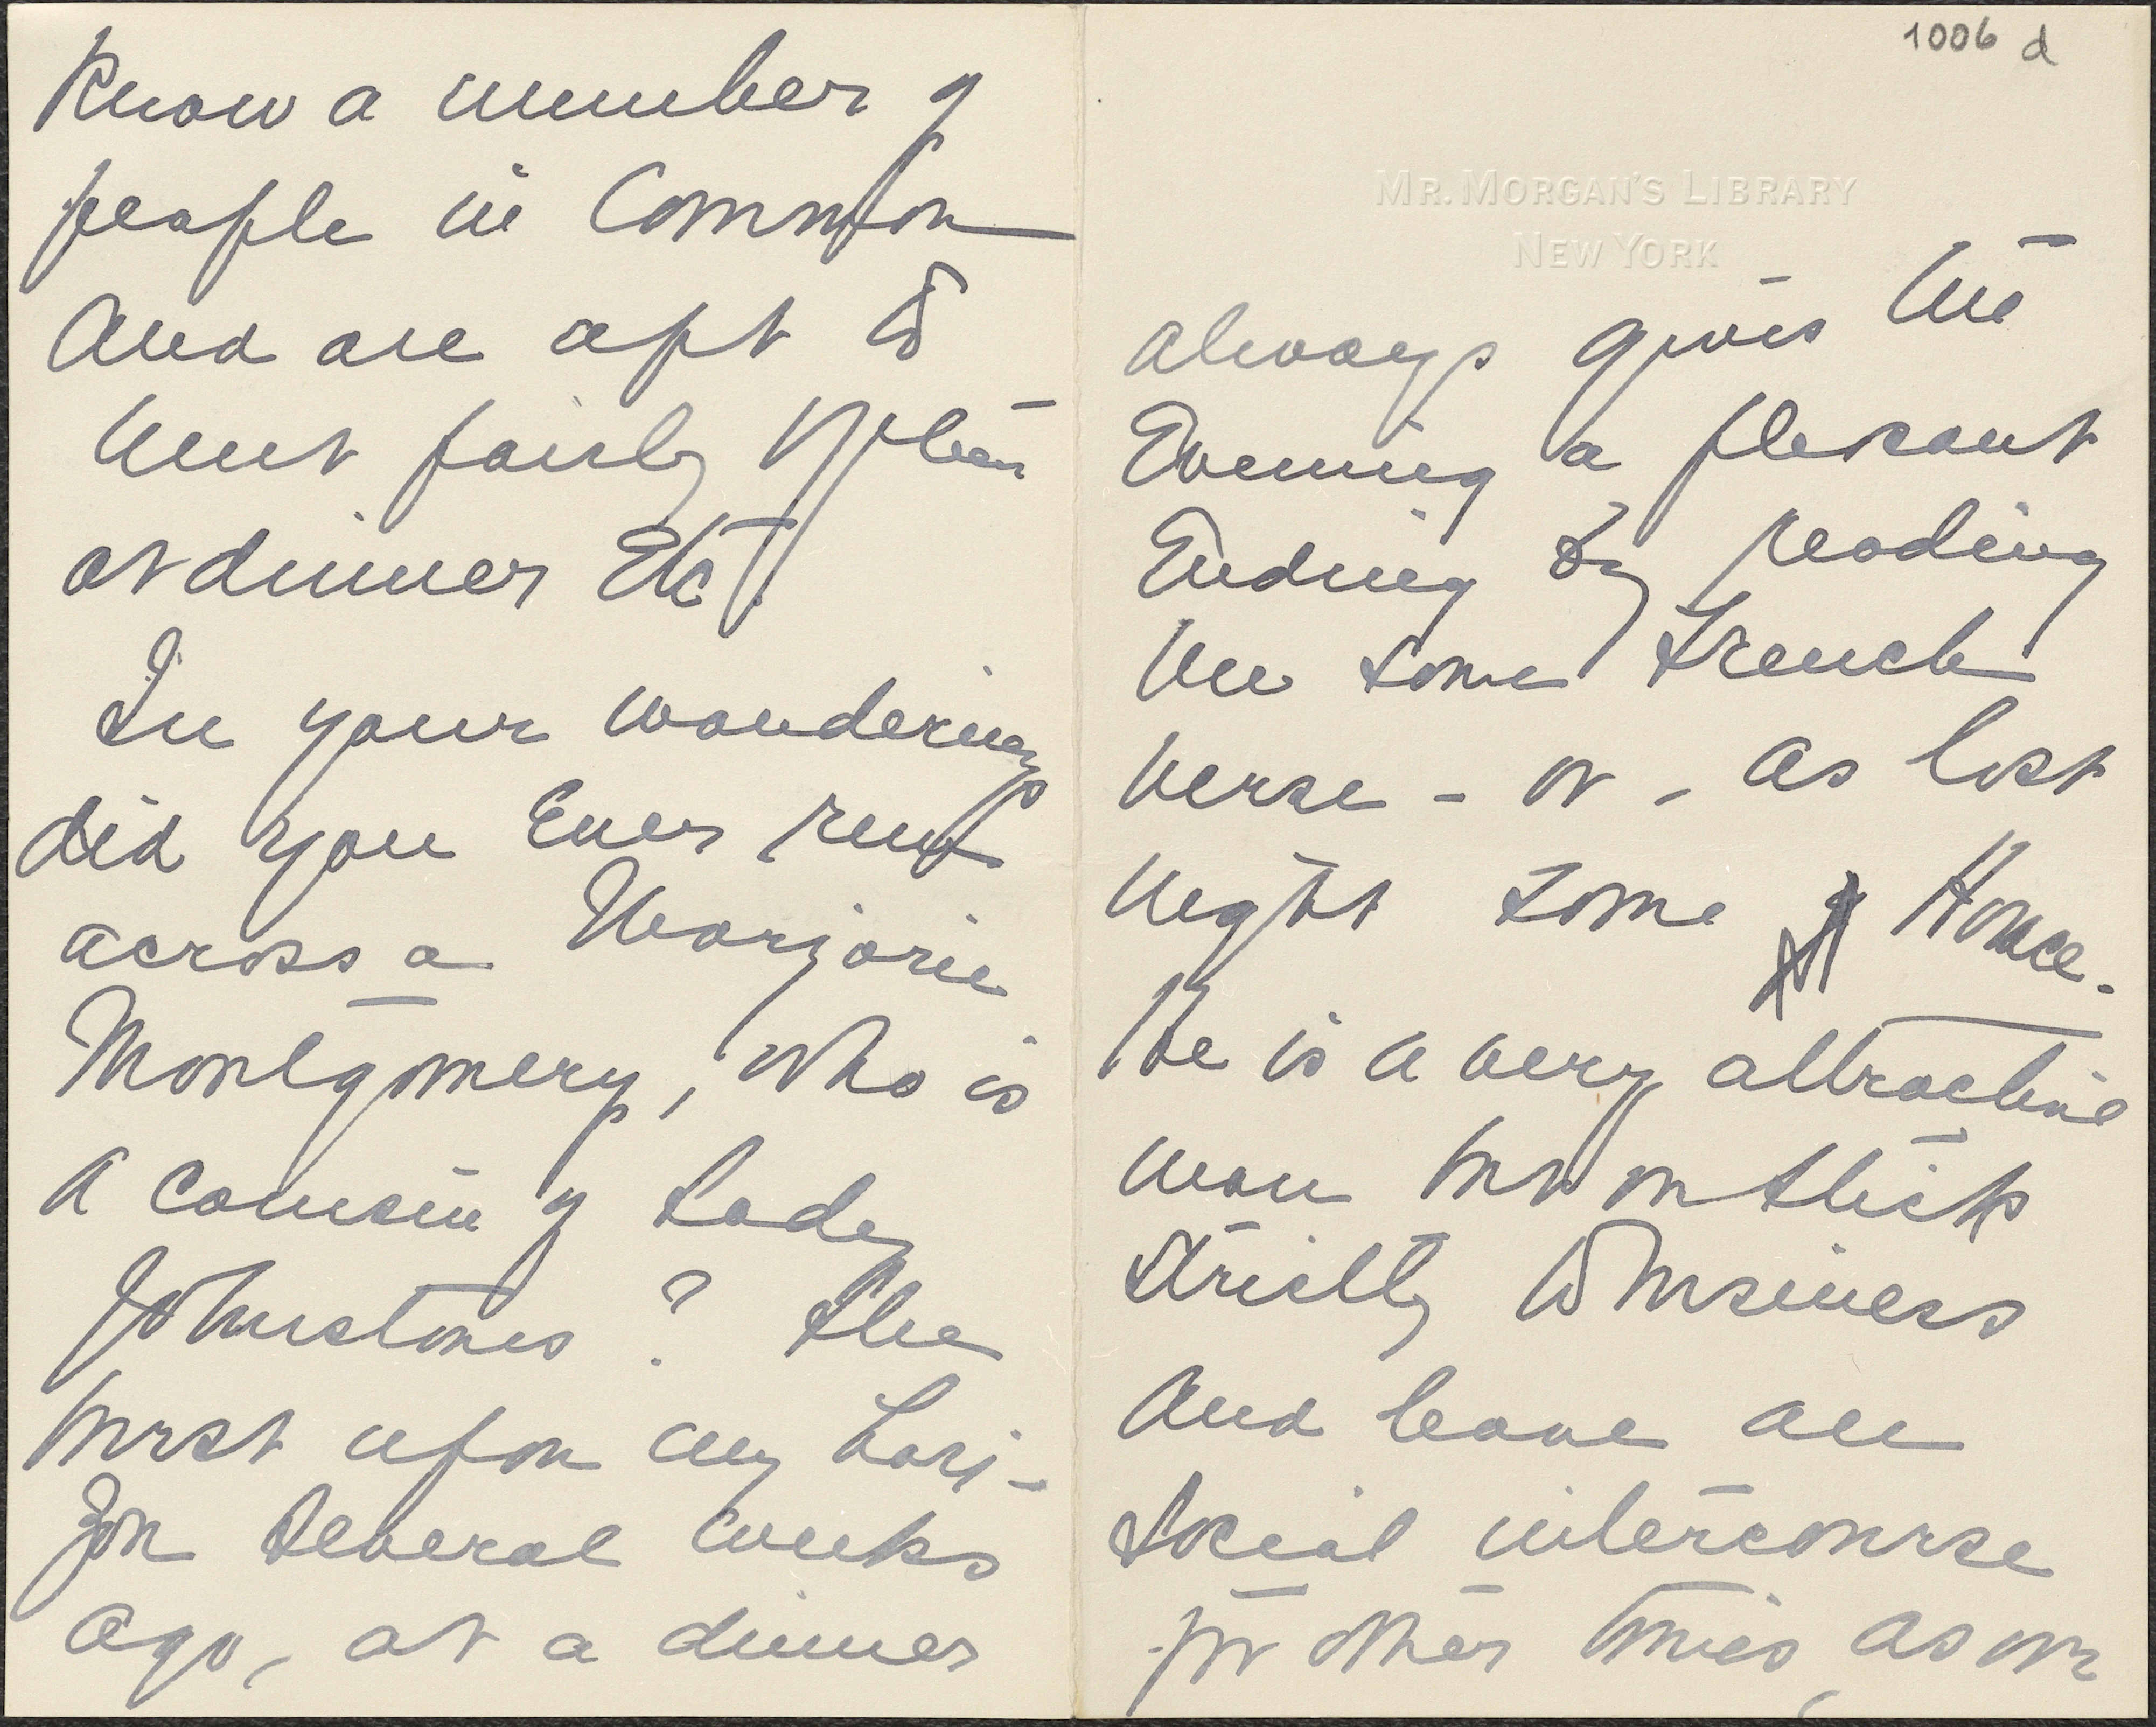always gives the evening a pleasant ending by reading me some French verse – or – as last night some of Horace – He is a very attractive man but we stick strictly to business and leave all social intercourse for other times, as we
know a number of people in common and are apt to meet fairly often at dinner etc.
In your wanderings did you ever run across a Marjorie Montgomery, who is a cousin of Lady Johnstones [sic]? She burst upon my horizon several weeks ago, at a dinner